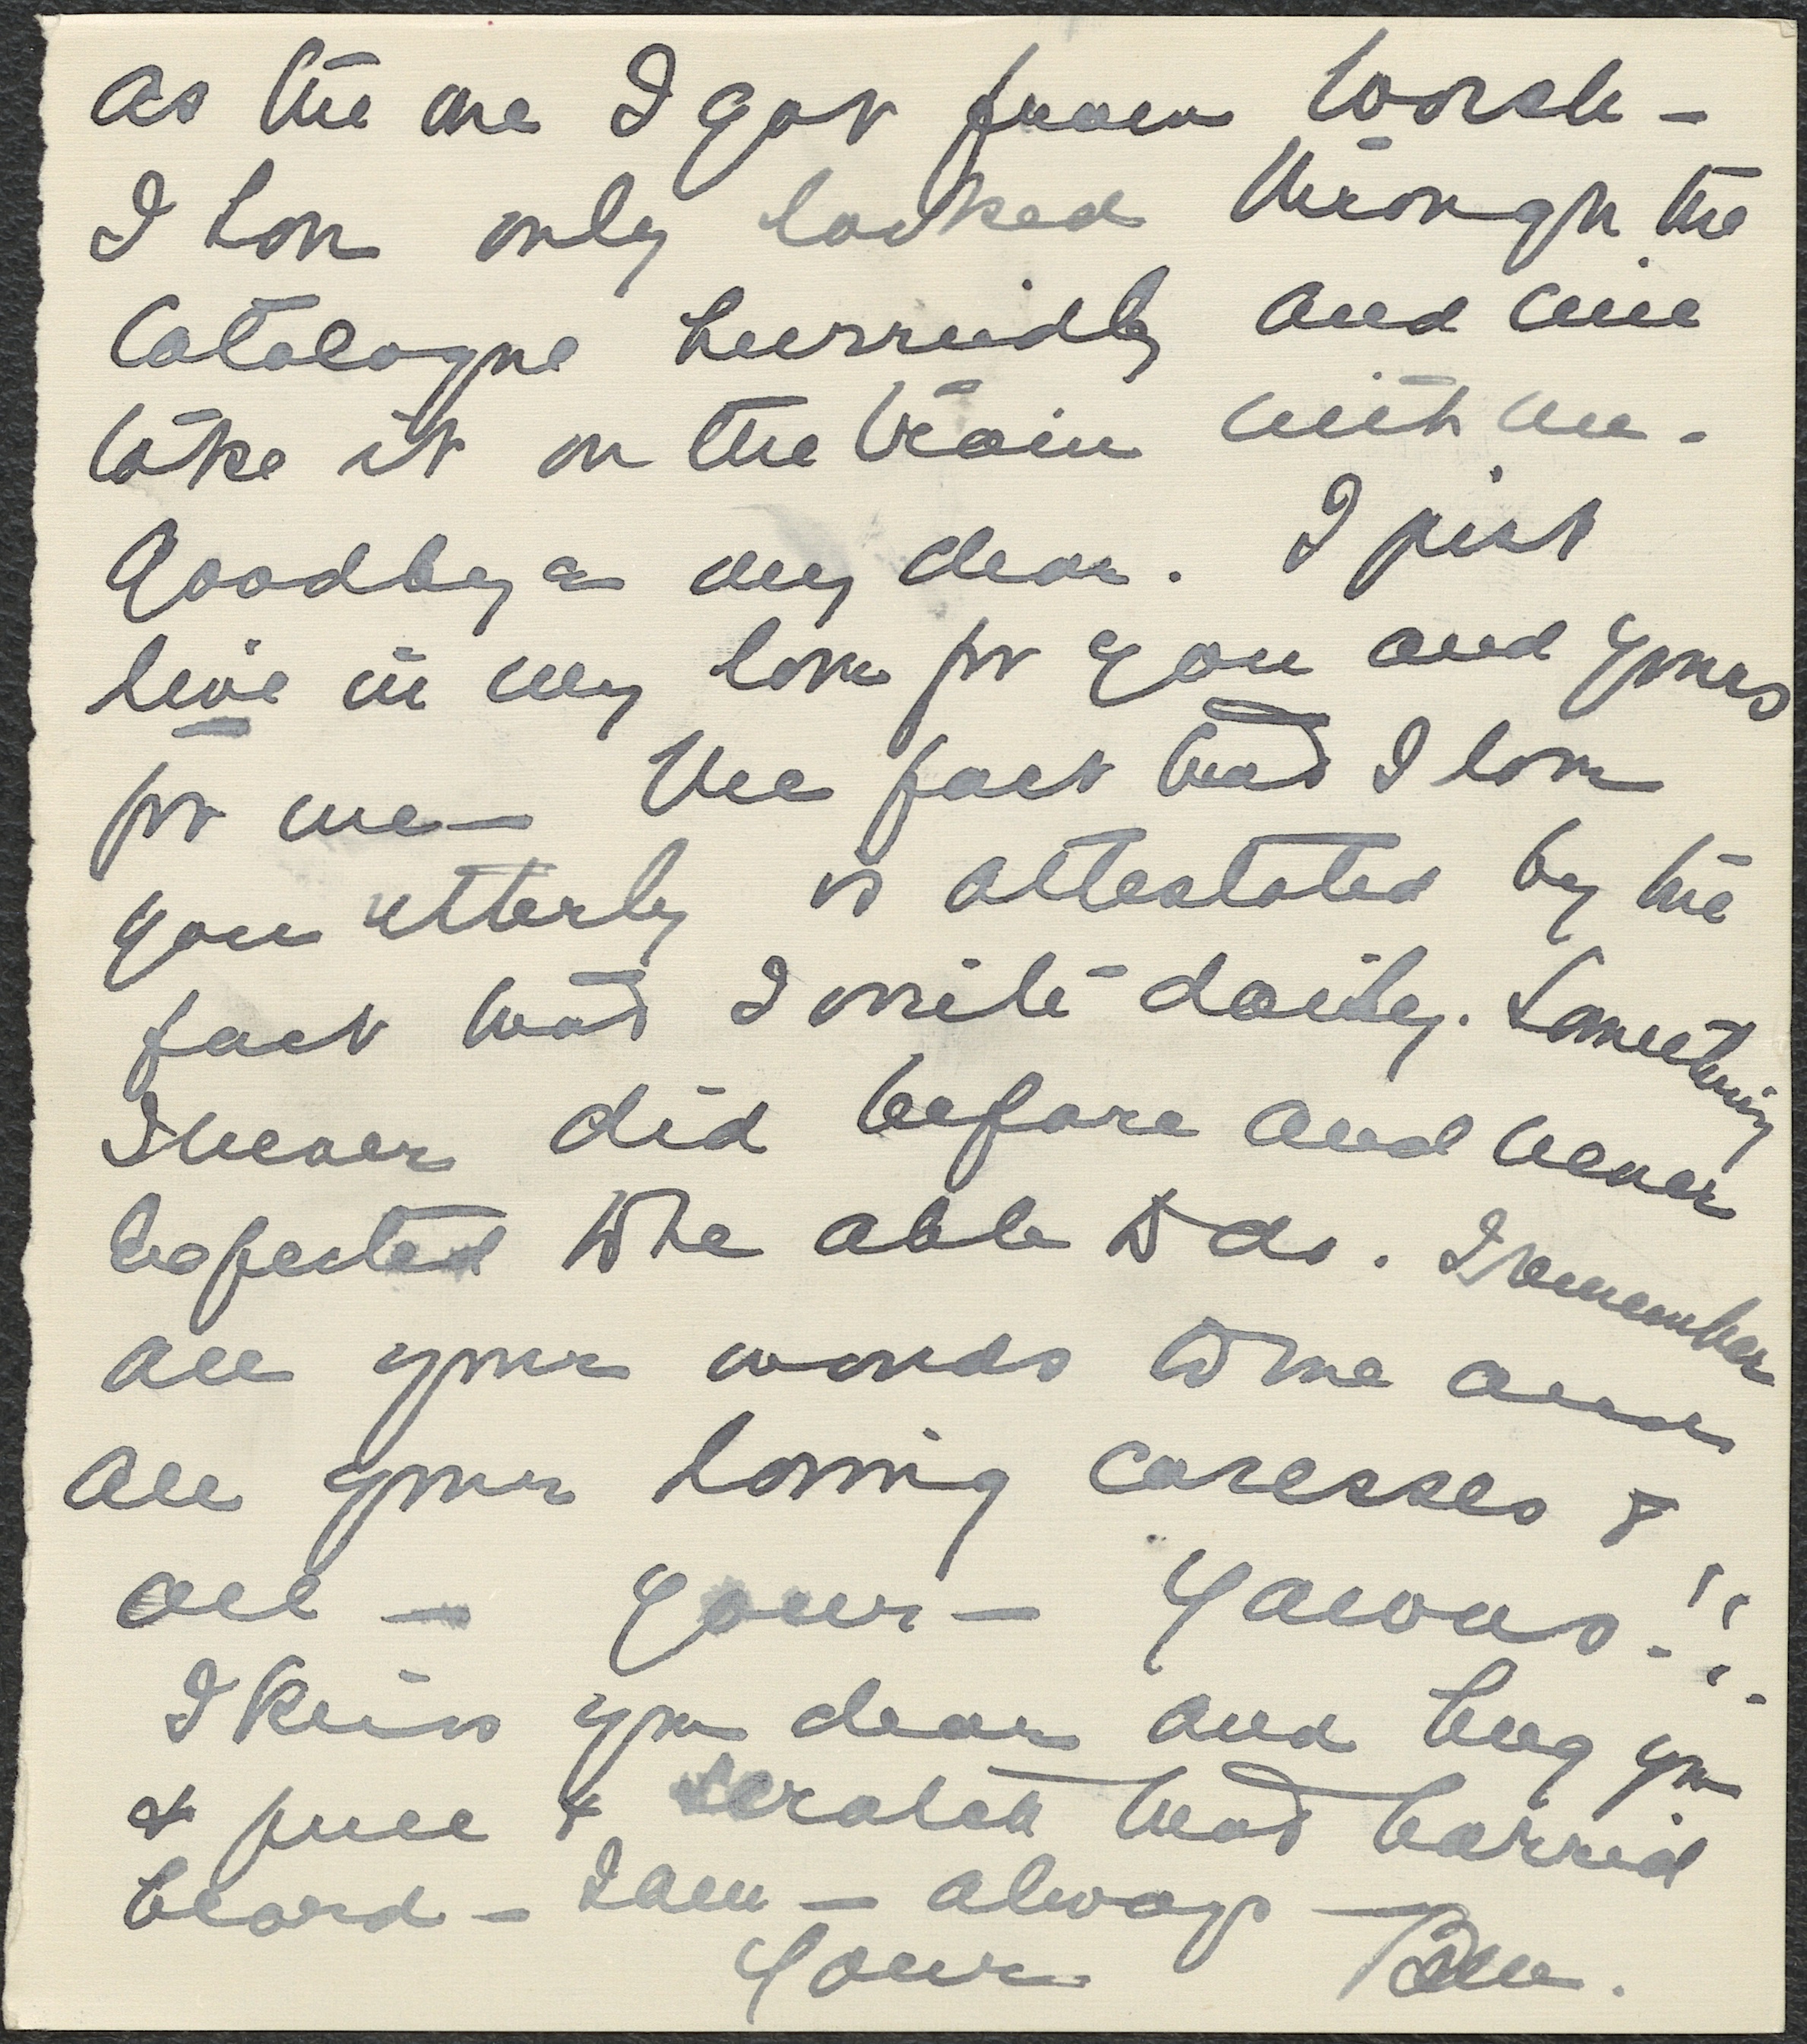as the one I got from Worch – I have only looked through the Catalogue hurriedly and will take it in the train with me – Goodbye my dear. I just live in my love for you and yours for me – The fact that I love you utterly is attestated by the fact that I write daily. Something I never did before and never expected to be able to do. I remember all your words to me and all your loving caresses & all – your – yawns!!.
I kiss you dear and hug you & pull & scratch that horrid beard – I am – always –
Your Belle.